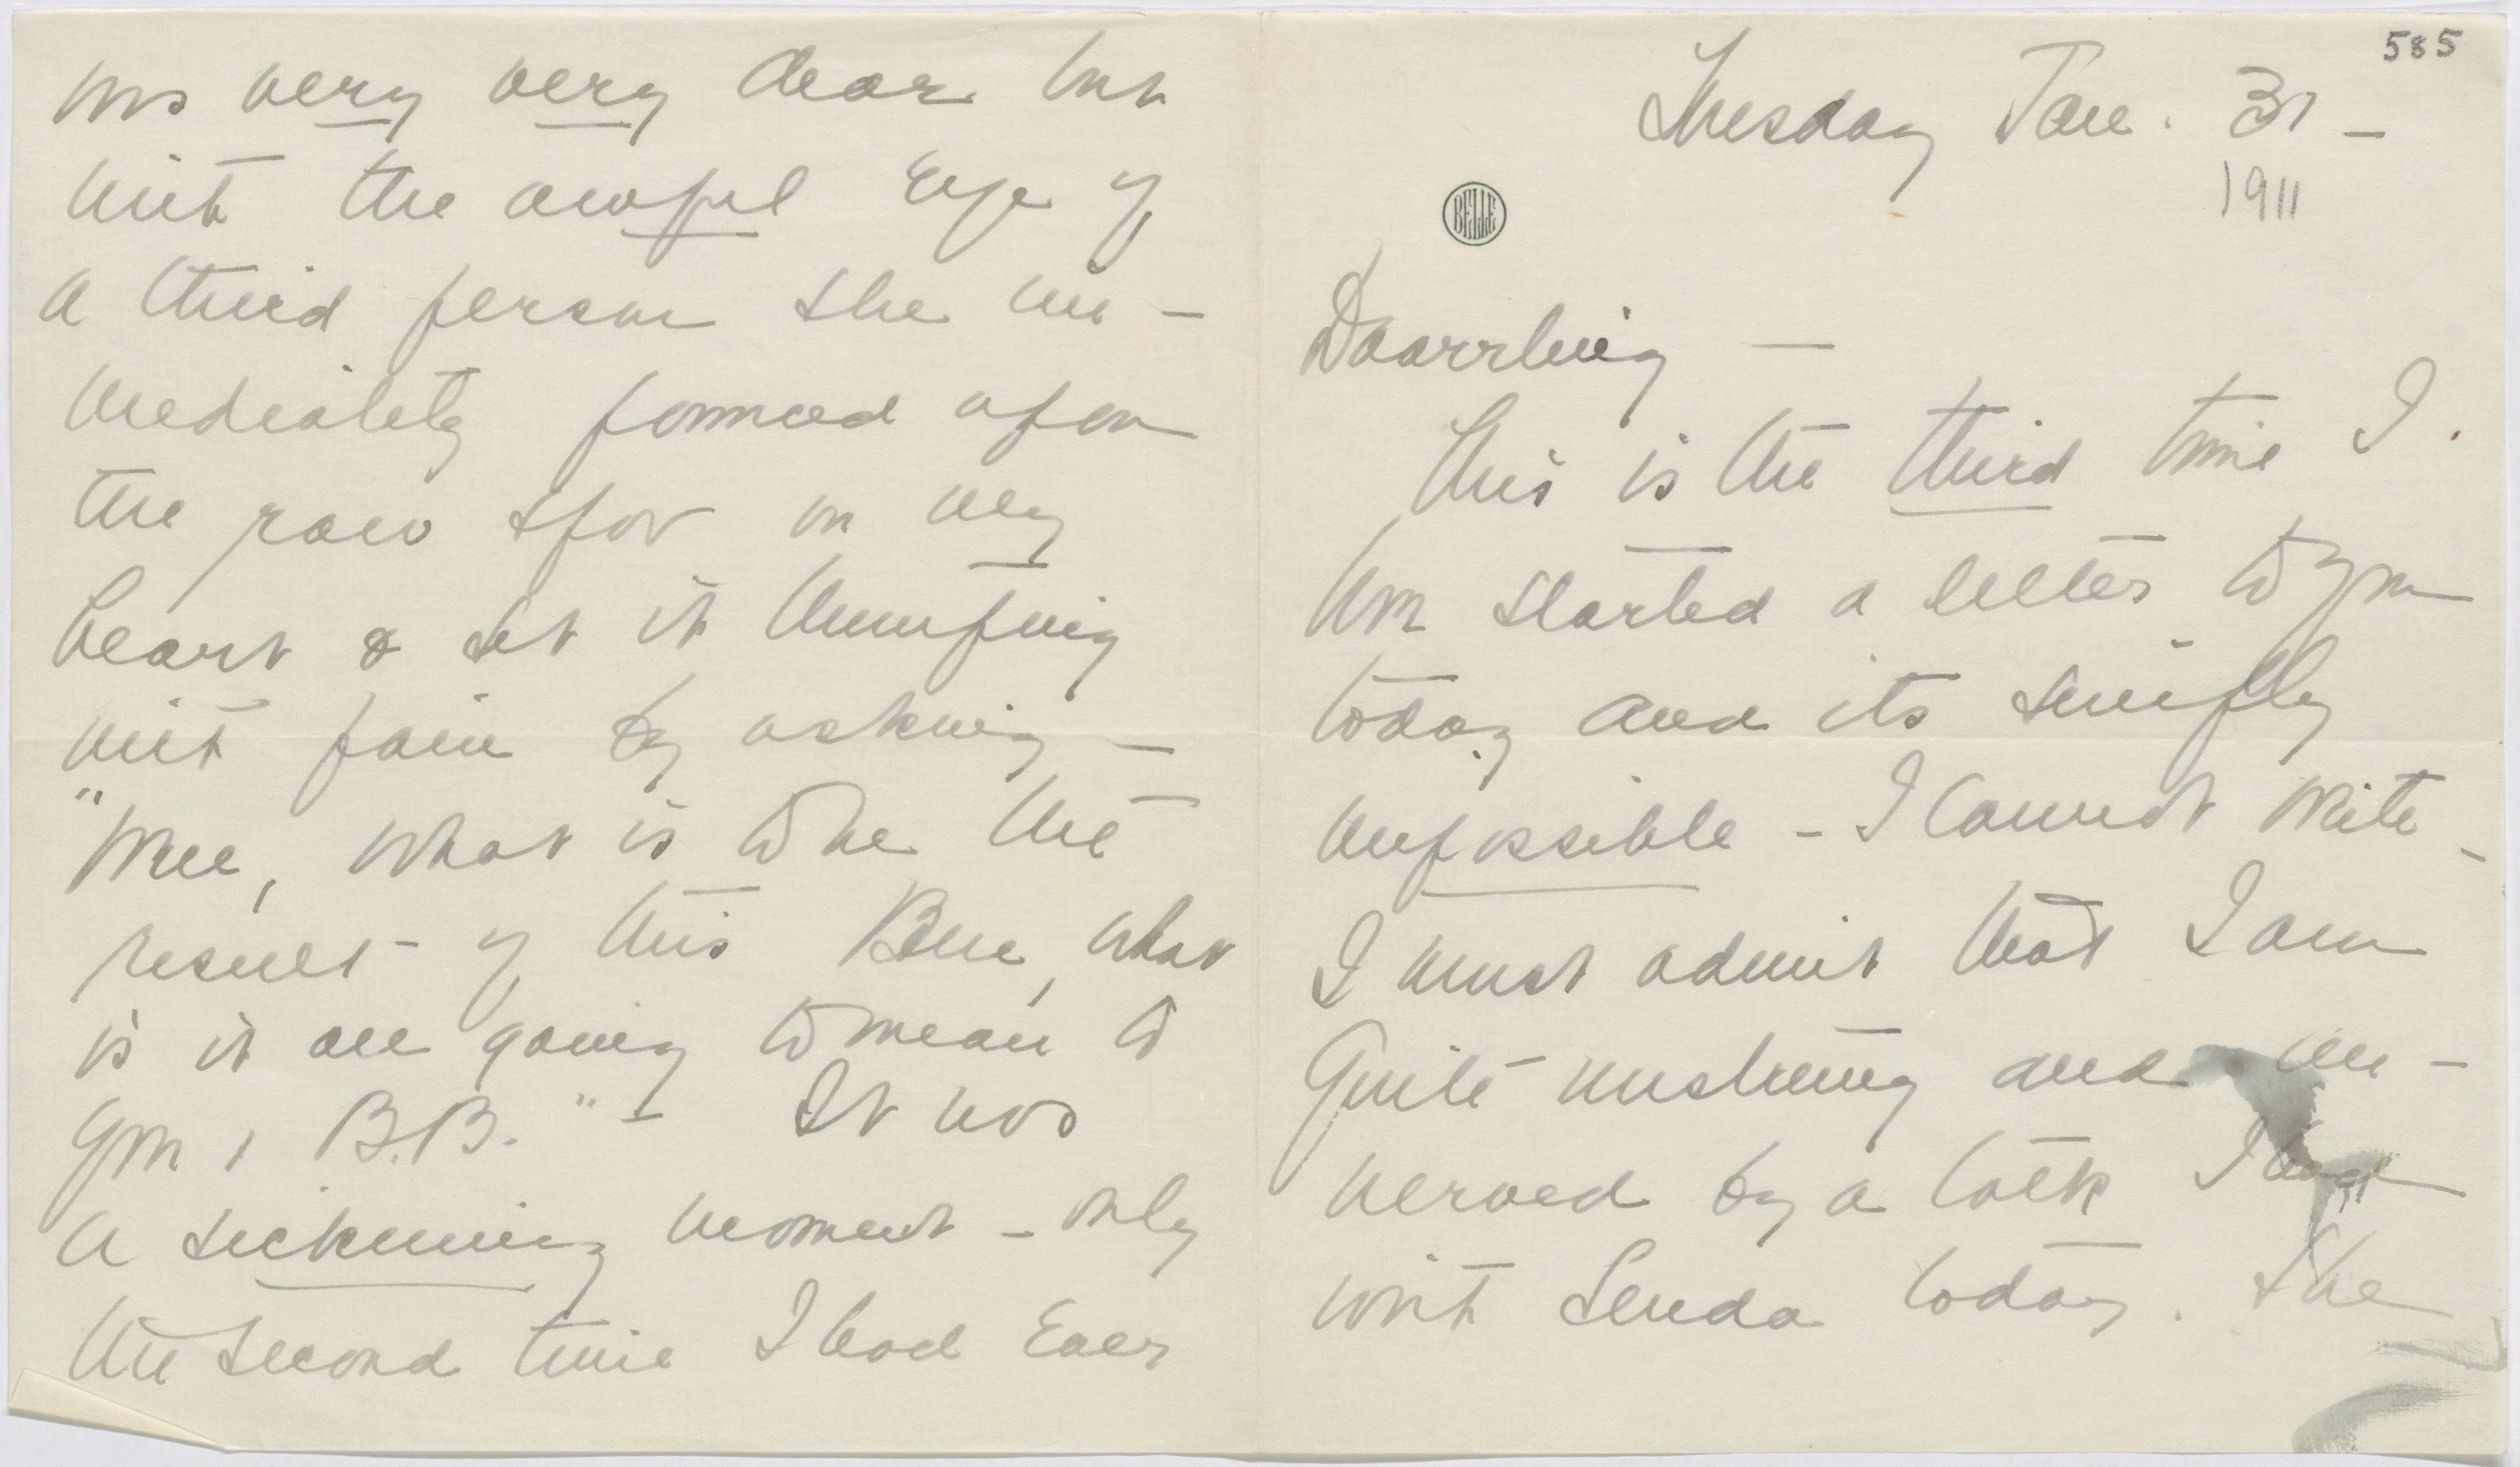Tuesday Jan. 31 –
Daarrling –
This is the third time I have started a letter to you today and its [sic] simply impossible – I cannot write – I must admit that I am quite unstrung and unnerved by a talk I had with Senda today. She
was very very dear but with the awful eye of a third person she immediately pounced upon the raw spot on my heart & set it thumping with pain by asking – “Well, what is to be the result of this Belle, what is it all going to mean to you & B. B.” – It was a sickening moment – only the second time I had ever